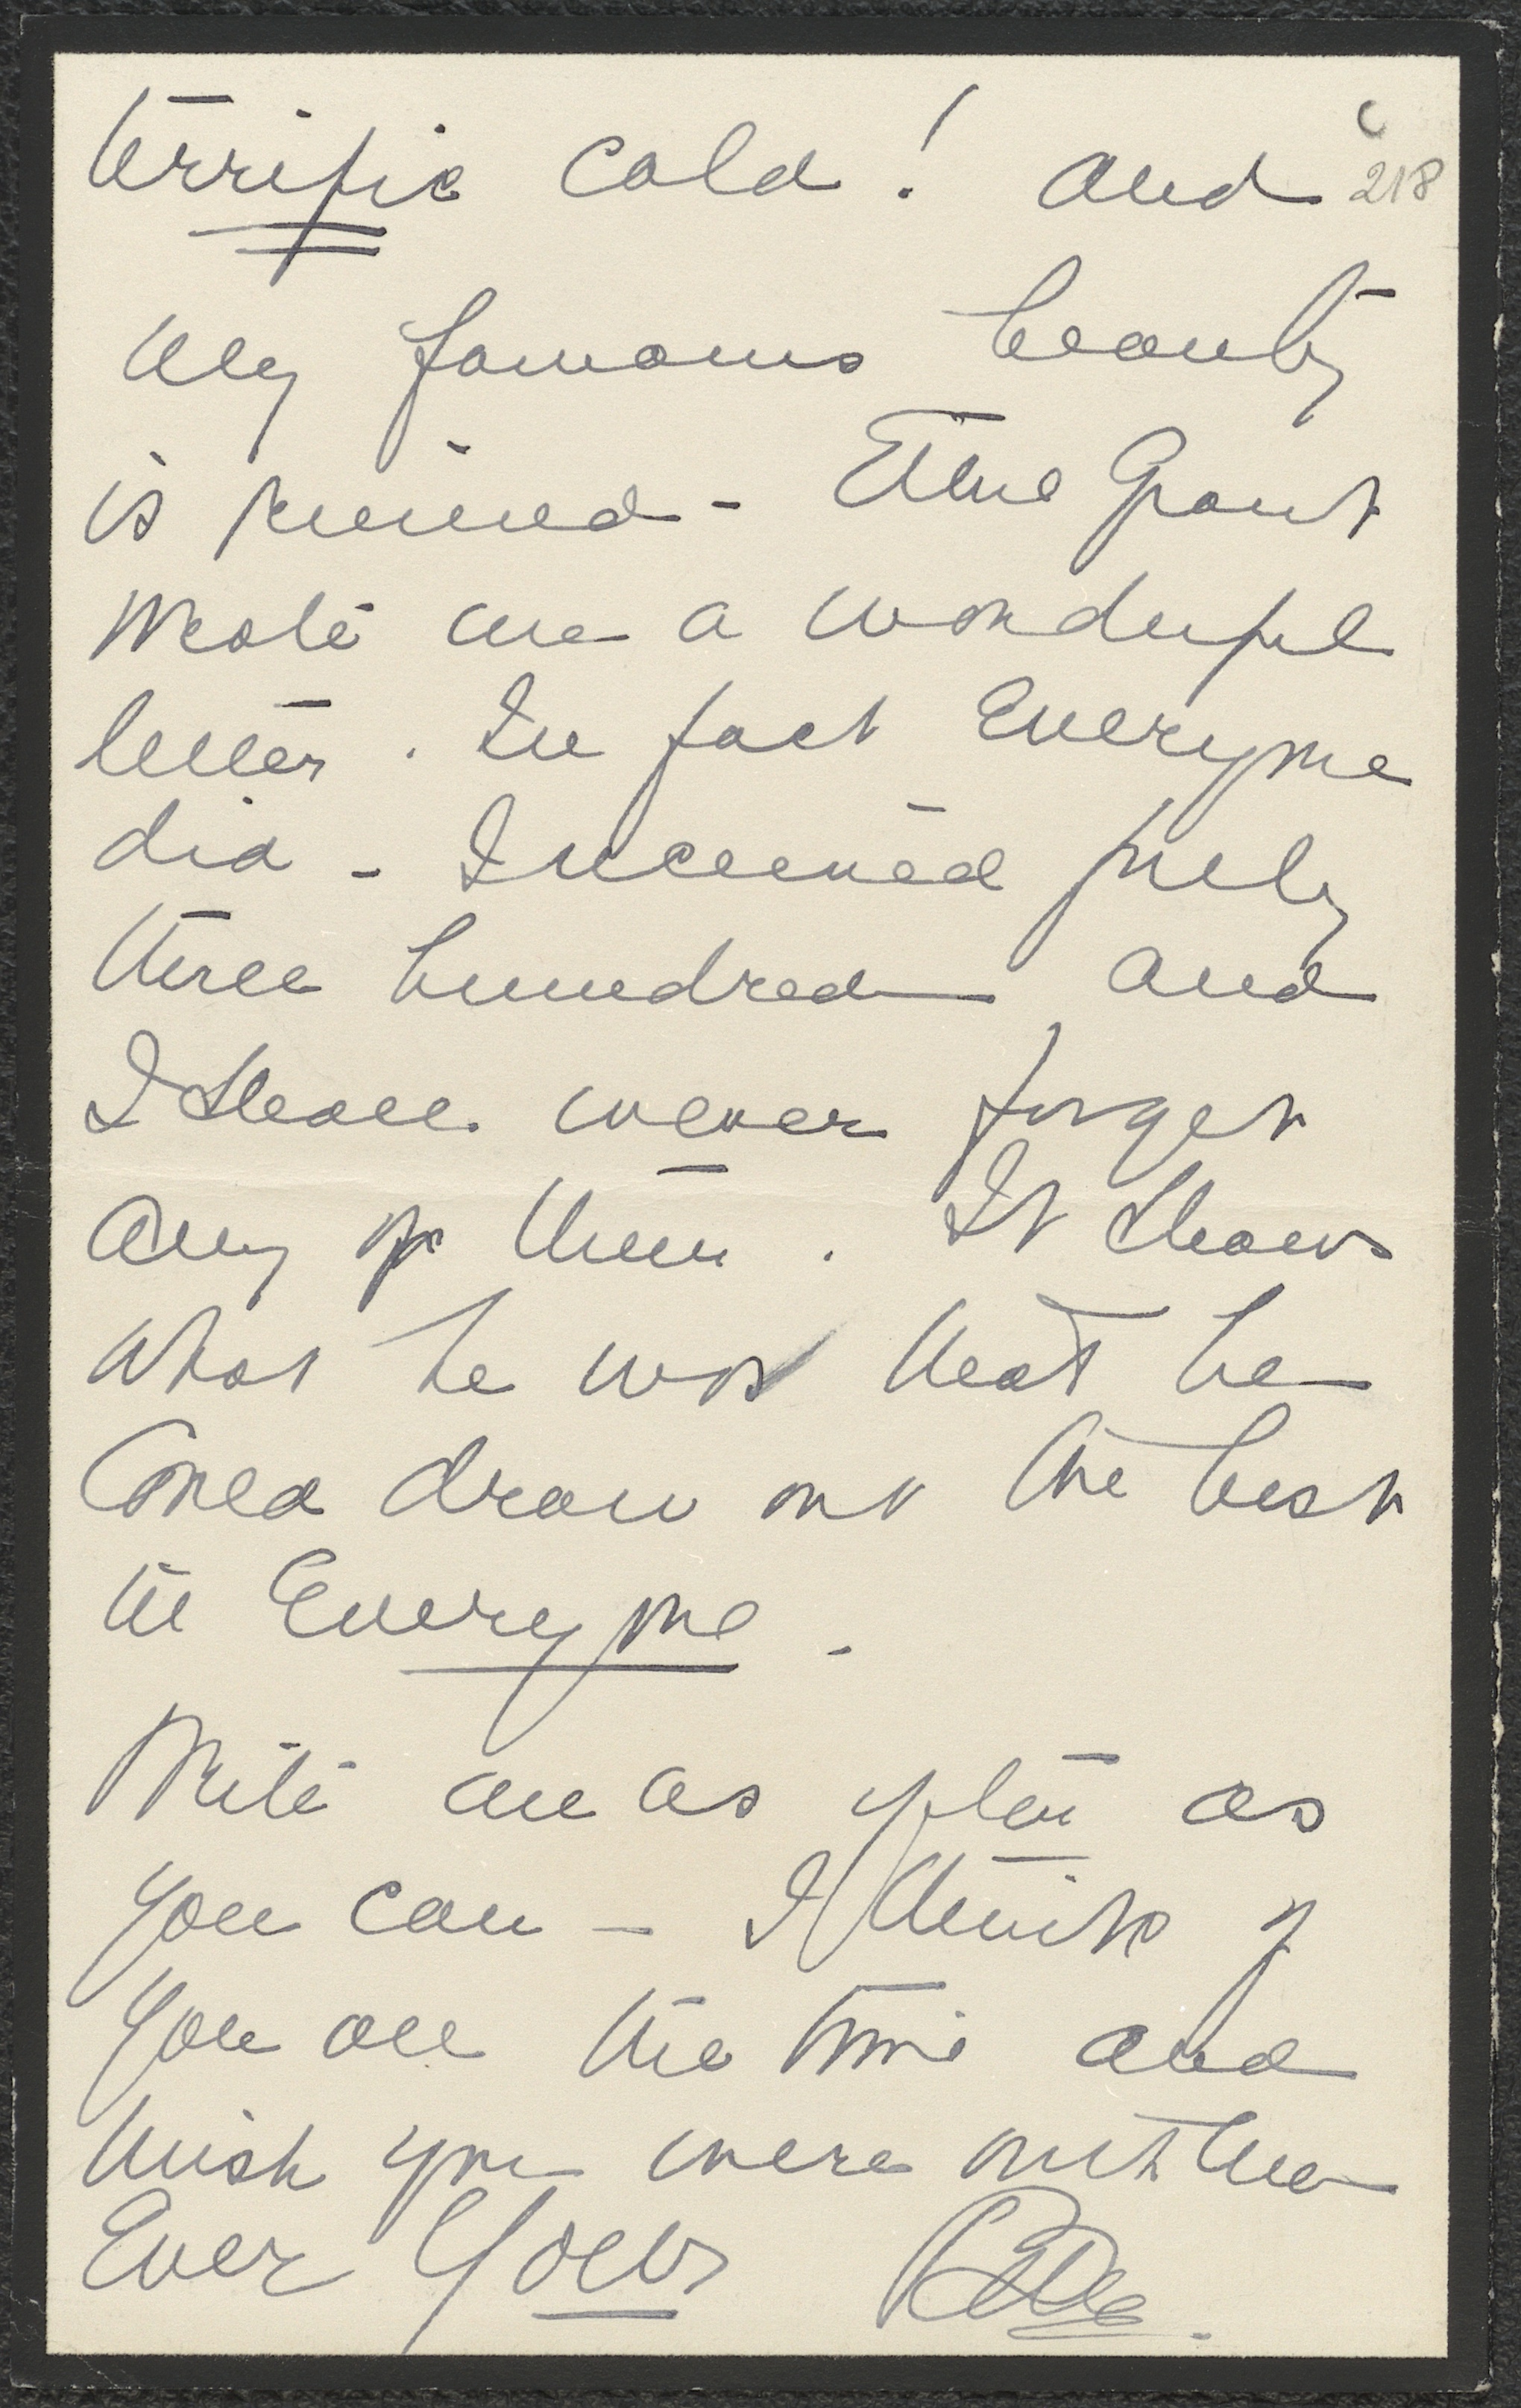[double underlined: terrific] cold! and my famous beauty is ruined – Ethel Grant wrote me a wonderful letter. In fact everyone did – I received fully three hundred and I shall never forget any of them. It shows what he was that he could draw out the best in everyone.
Write me as often as you can – I think of you all the time and wish you were with me –
Every Your Belle.